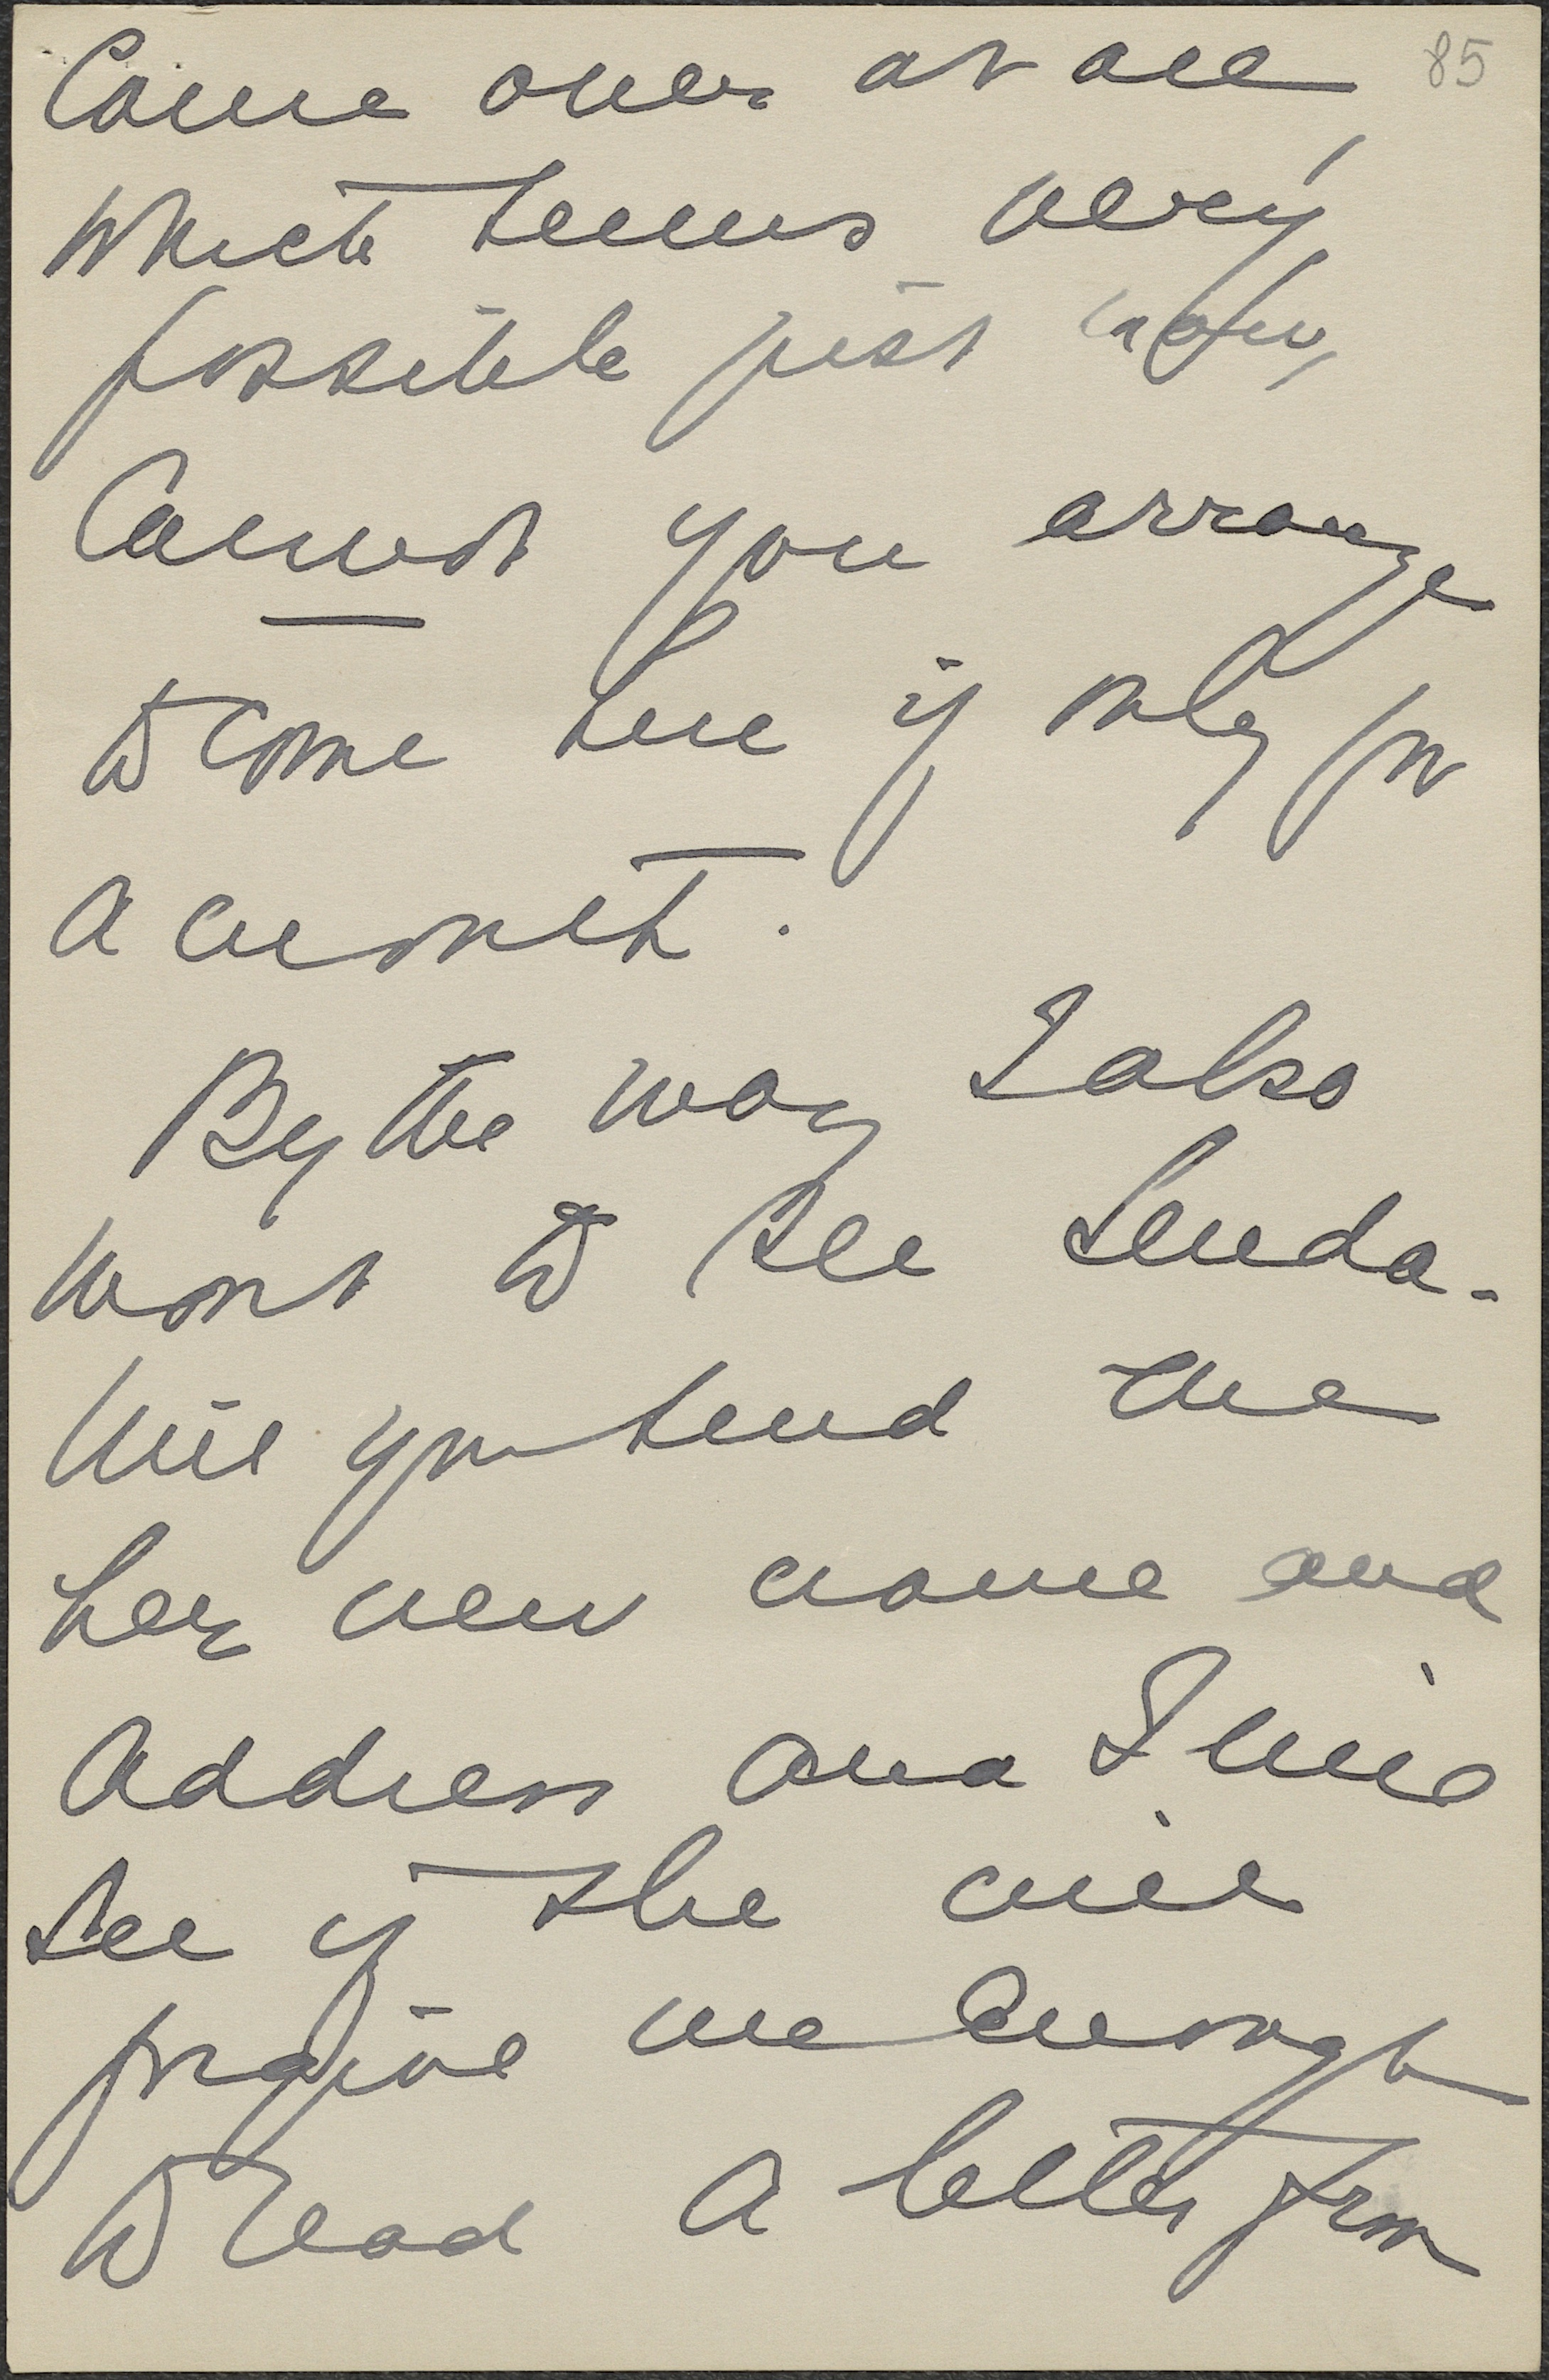come over at all which seems very possible just now, cannot you arrange to come here if only for a month.
By the way I also want to see Senda – will you send me her new name and address and I will see if she will forgive me enough to read a letter from